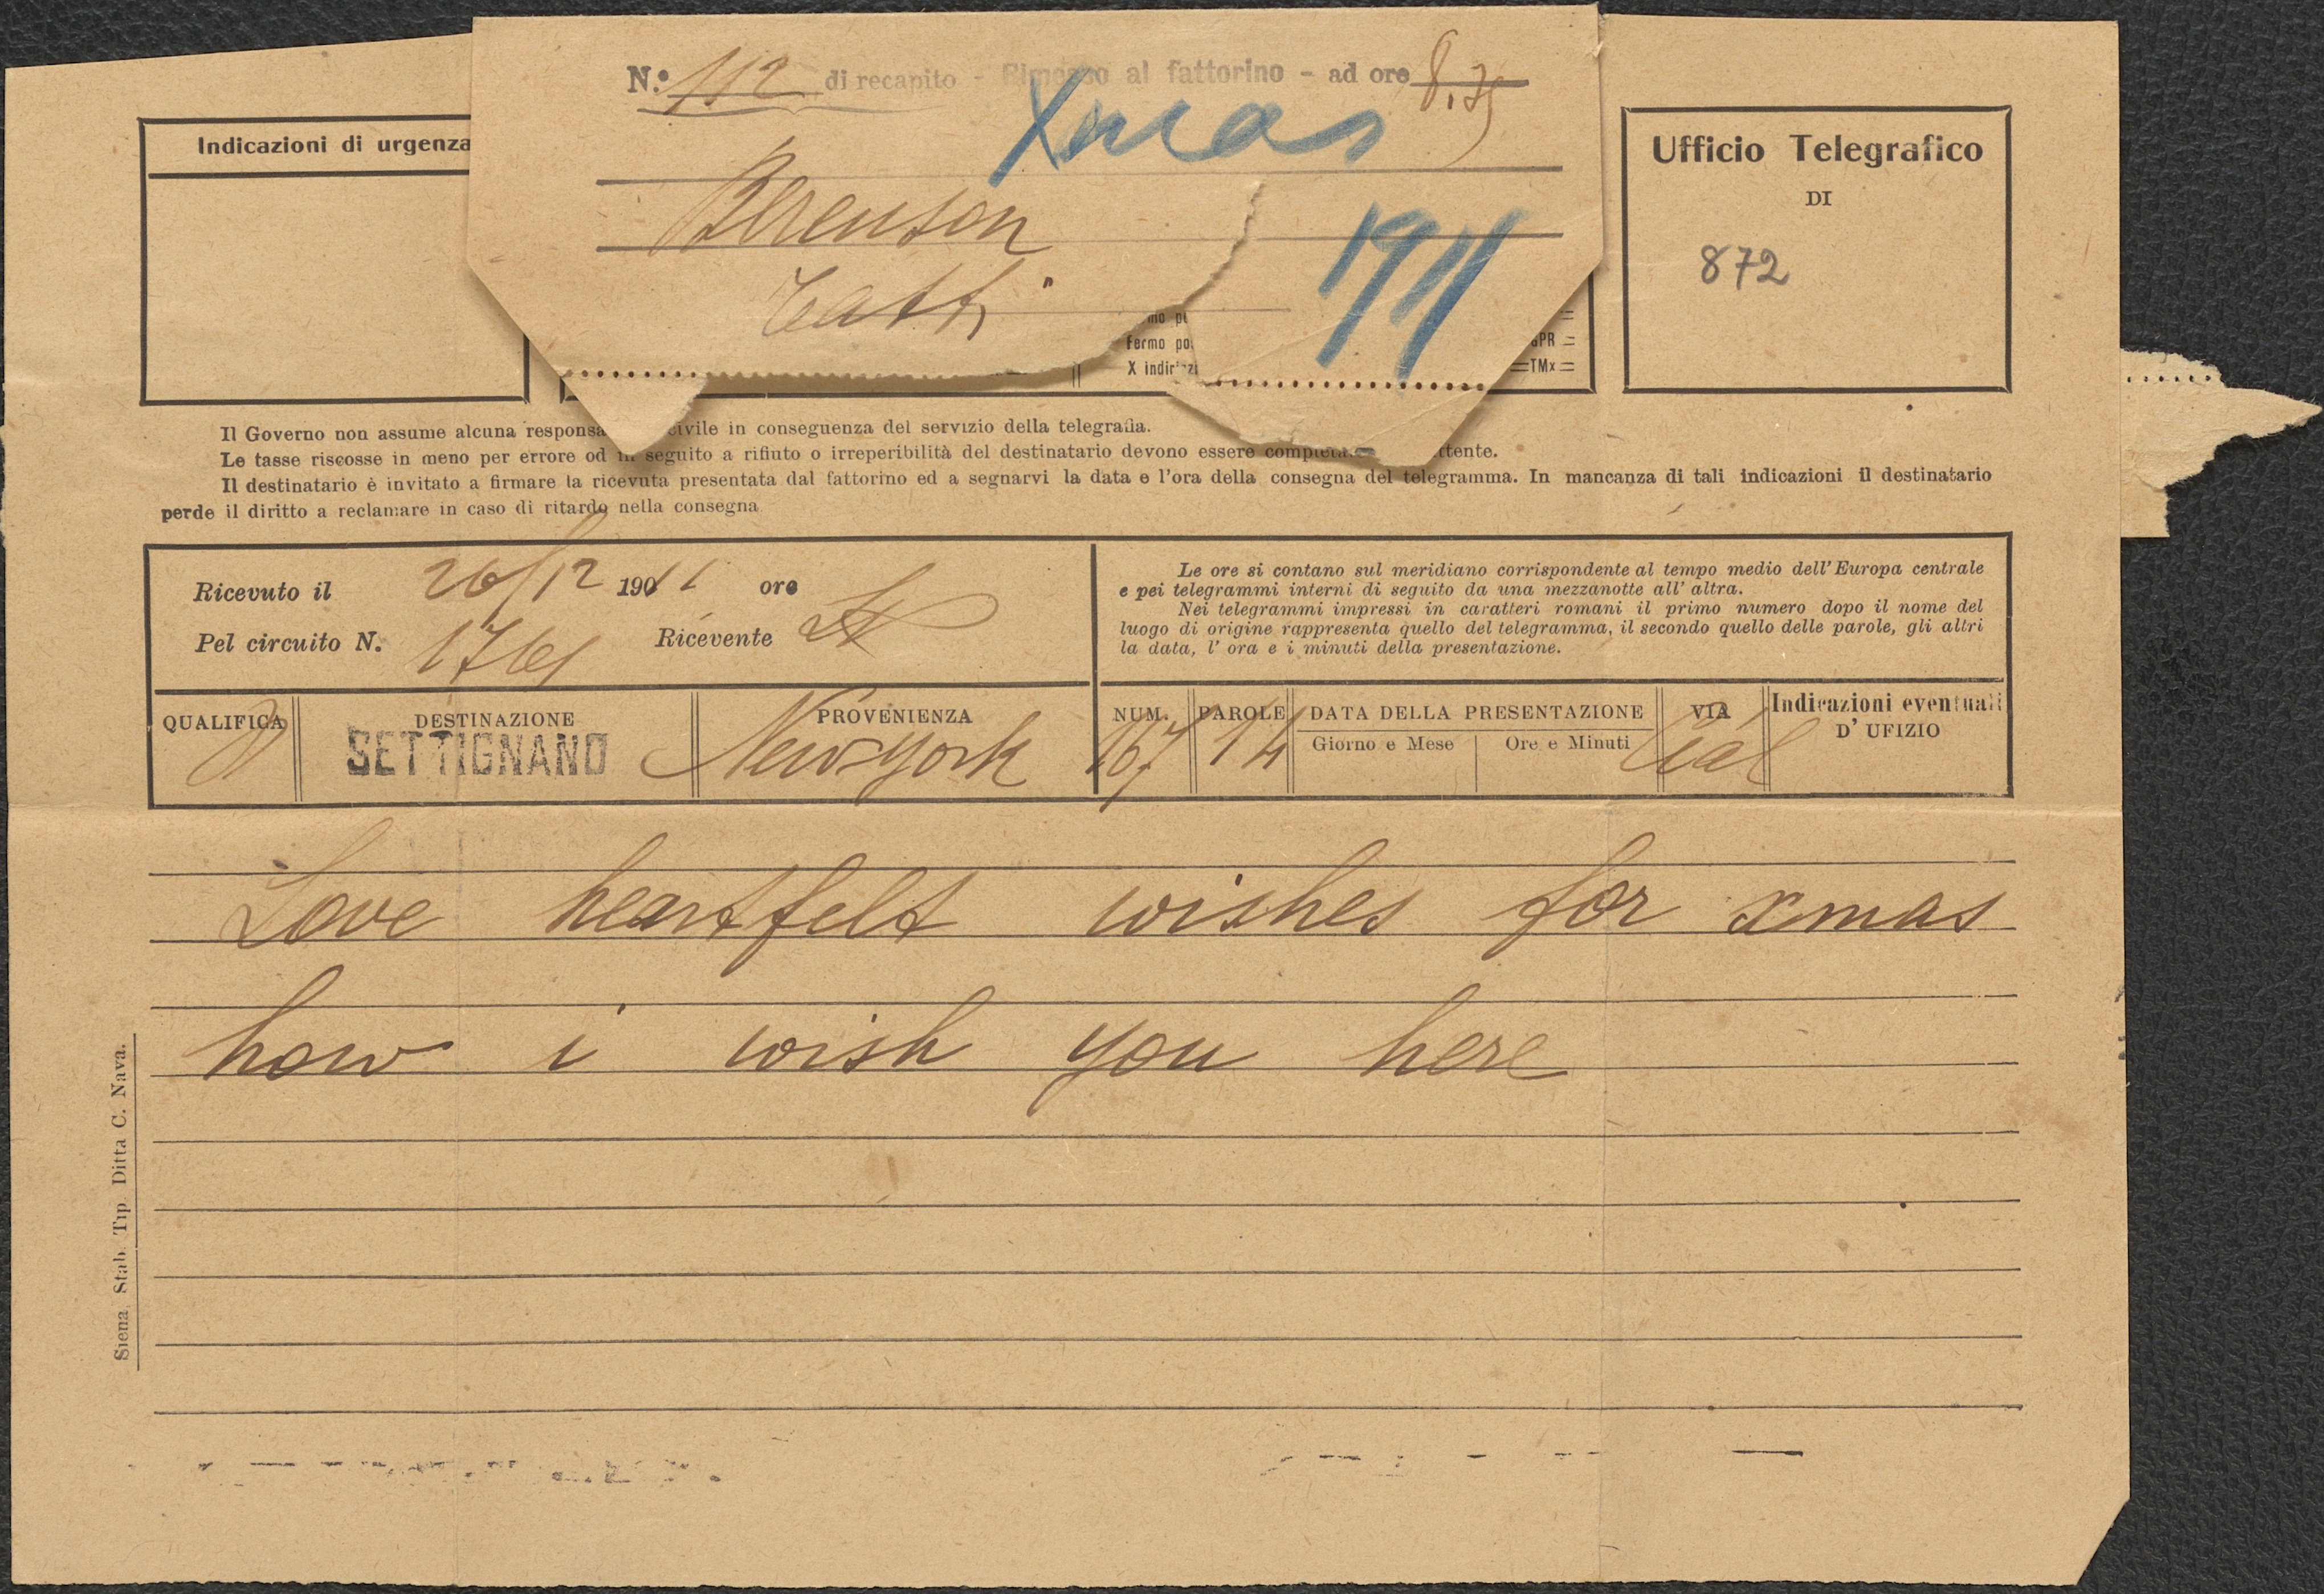Love heartfelt wishes for xmas how i [sic] wish you were here